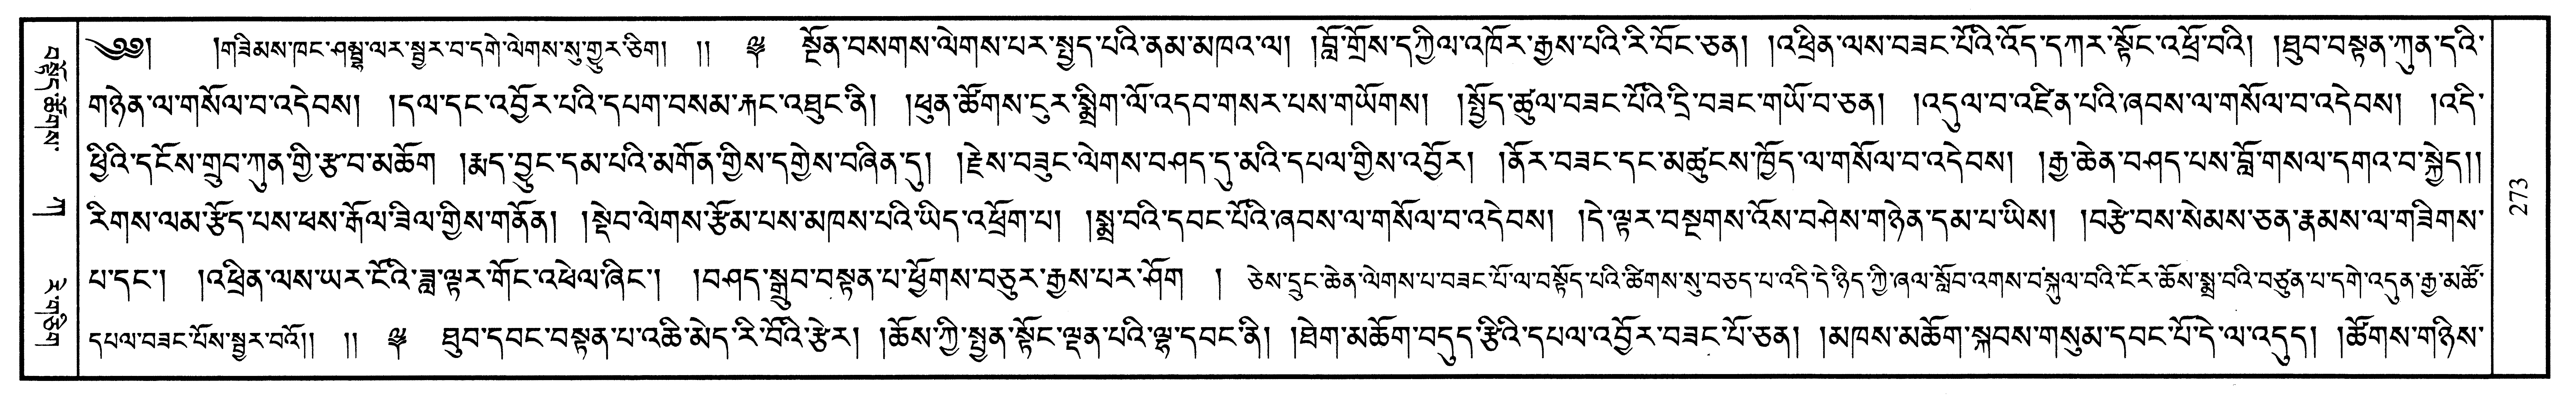༄༅། །གཟིམས་ཁང་ཤམྦྷ་ལར་སྦྱར་བ་དགེ་ལེགས་སུ་གྱུར་ཅིག། །། ༈ སྔོན་བསགས་ལེགས་པར་སྤྱད་པའི་ནམ་མཁའ་ལ། །བློ་གྲོས་དཀྱིལ་འཁོར་རྒྱས་པའི་རི་བོང་ཅན། །འཕྲིན་ལས་བཟང་པོའི་འོད་དཀར་སྟོང་འཕྲོ་བའི། །ཐུབ་བསྟན་ཀུན་དའི་
གཉེན་ལ་གསོལ་བ་འདེབས། །དལ་དང་འབྱོར་པའི་དཔག་བསམ་རྐང་འཐུང་ནི། །ཕུན་ཚོགས་ངུར་སྨྲིག་ལོ་འདབ་གསར་པས་གཡོགས། །སྤྱོད་ཚུལ་བཟང་པོའི་དྲི་བཟང་གཡོ་བ་ཅན། །འདུལ་བ་འཛིན་པའི་ཞབས་ལ་གསོལ་བ་འདེབས། །འདི་
ཕྱིའི་དངོས་གྲུབ་ཀུན་གྱི་རྩ་བ་མཆོག །རྨད་བྱུང་དམ་པའི་མགོན་གྱིས་དགྱེས་བཞིན་དུ། །རྗེས་བཟུང་ལེགས་བཤད་དུ་མའི་དཔལ་གྱིས་འབྱོར། །ནོར་བཟང་དང་མཚུངས་ཁྱོད་ལ་གསོལ་བ་འདེབས། །རྒྱ་ཆེན་བཤད་པས་བློ་གསལ་དགའ་བ་སྐྱེད།།
རིགས་ལམ་རྩོད་པས་ཕས་རྒོལ་ཟིལ་གྱིས་གནོན། །སྡེབ་ལེགས་རྩོམ་པས་མཁས་པའི་ཡིད་འཕྲོག་པ། །སྨྲ་བའི་དབང་པོའི་ཞབས་ལ་གསོལ་བ་འདེབས། །དེ་ལྟར་བསྔགས་འོས་བཤེས་གཉེན་དམ་པ་ཡིས། །བརྩེ་བས་སེམས་ཅན་རྣམས་ལ་གཟིགས་
པ་དང་། །འཕྲིན་ལས་ཡར་ངོའི་ཟླ་ལྟར་གོང་འཕེལ་ཞིང་། །བཤད་སྒྲུབ་བསྟན་པ་ཕྱོགས་བཅུར་རྒྱས་པར་ཤོག །ཅེས་དྲུང་ཆེན་ལེགས་པ་བཟང་པོ་ལ་བསྟོད་པའི་ཚིགས་སུ་བཅད་པ་འདི་དེ་ཉིད་ཀྱི་ཞལ་སློབ་འགས་བསྐུལ་བའི་ངོར་ཆོས་སྨྲ་བའི་བཙུན་པ་དགེ་འདུན་རྒྱ་མཚོ་
དཔལ་བཟང་པོས་སྦྱར་བའོ།། །། ༈ ཐུབ་དབང་བསྟན་པ་འཆི་མེད་རི་བོའི་རྩེར། །ཆོས་ཀྱི་སྤྱན་སྟོང་ལྡན་པའི་ལྷ་དབང་ནི། །ཐེག་མཆོག་བདུད་རྩིའི་དཔལ་འབྱོར་བཟང་པོ་ཅན། །མཁས་མཆོག་སྐབས་གསུམ་དབང་པོ་དེ་ལ་འདུད། །ཚོགས་གཉིས་